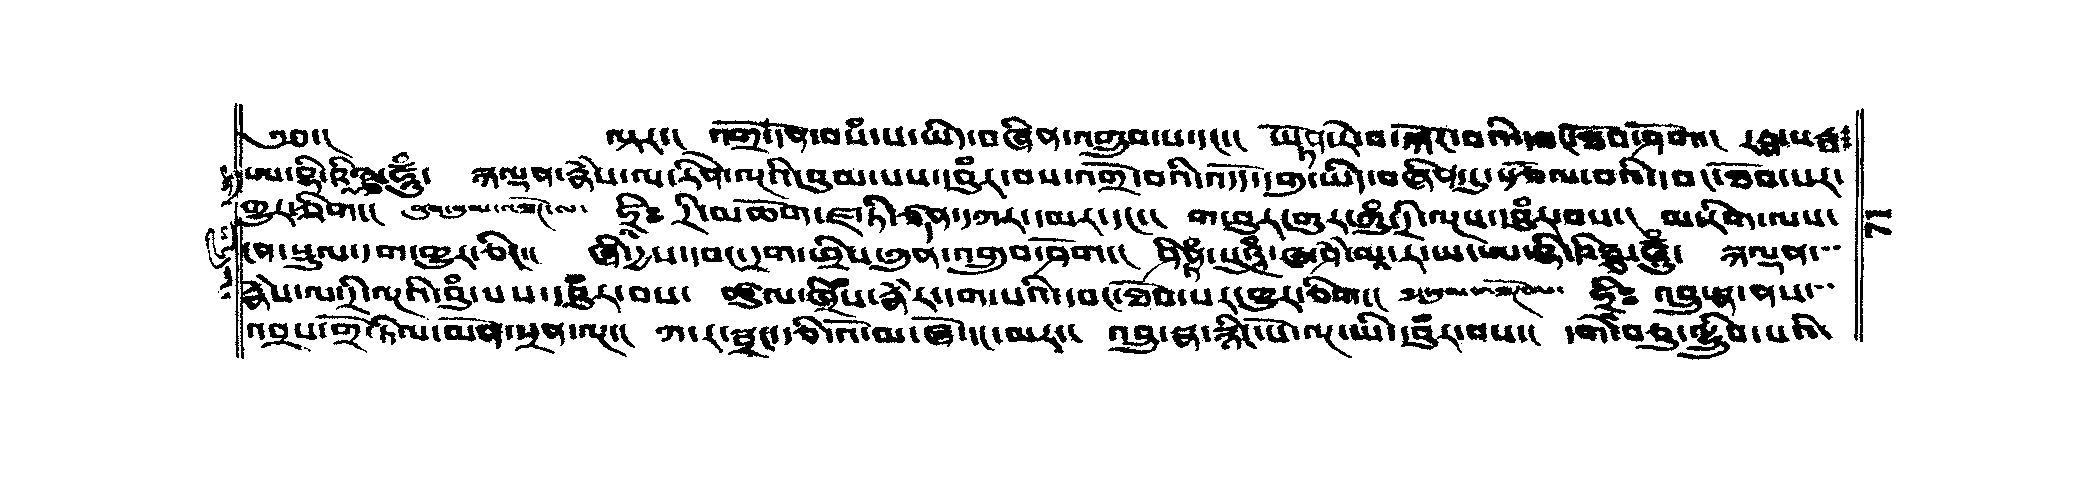ལྟར། འགྲོ་དོན་བསམ་པ་ཡིད་བཞིན་འགྲུབ་པ་དང་། ཡོན་ཏན་རེ་བ་སྐོང་བའི་དབང་ཐོབ་ཤོག རཏྣ་སརྦ་
ཨ་བྷི་རཱིཉྩ་ཧཱུྃ། སྐལ་ལྡན་རྣམས་ལ་རིན་ཆེན་ལྔཱི་བུམ་པས་དབང་བསྐུར་བས་འགྲོ་བའི་འདོད་དགུ་ཡིད་བཞིན་དུ་སྩོལ་བའི་དབང་ཐོབ་པར་
གྱུར་ཅིག ནུབ་བུམ་འཐོགས་ལ། ཧྲཱིཿ དྲི་མཆོག་ཛ་ཏི་ཙནྡན་དཀར་དམར་དང་། ག་བུར་གུར་ཀུམ་དྲི་ལྔས་དབང་བསྐུར་བས། མ་རིག་ལས་
ངན་སྡུག་བསྔལ་དག་གྱུར་ཅིང་། ཞི་རྒྱས་དབང་དྲག་ཕྲིན་ལས་ཀུན་འགྲུབ་ཤོག ཤིནྟཾ་པུཥྚཾ་ཝ་ཤམ་མཱ་ར་ཡ་ཨ་བྷི་རིཉྩ་ཧཱུྃ། སྐལ་ལྡན་
རྣམས་ལ་དྲི་ལྔའི་བུམ་པས་དབང་བསྐུར་བས། ཚུལ་ཁྲིམས་རྣམ་པར་དག་པའི་དབང་ཐོབ་པར་གྱུར་ཅིག བྱང་བུམ་འཐོགས་ལ། ཧྲཱིཿའབྲུ་སྣ་ནས་
འབྲས་གྲོ་ཏིལ་མོན་སྲན་ལྔ། ཀ་ར་སྦྲང་རྩི་འོ་མ་ཞོ་དང་མར། འབྲུ་སྣ་སྙིང་པོ་ལྔ་ཡི་དབང་བསྐུར་བས། དགེ་བཅུ་ལྷུན་གྱིས་གྲུབ་པའི་